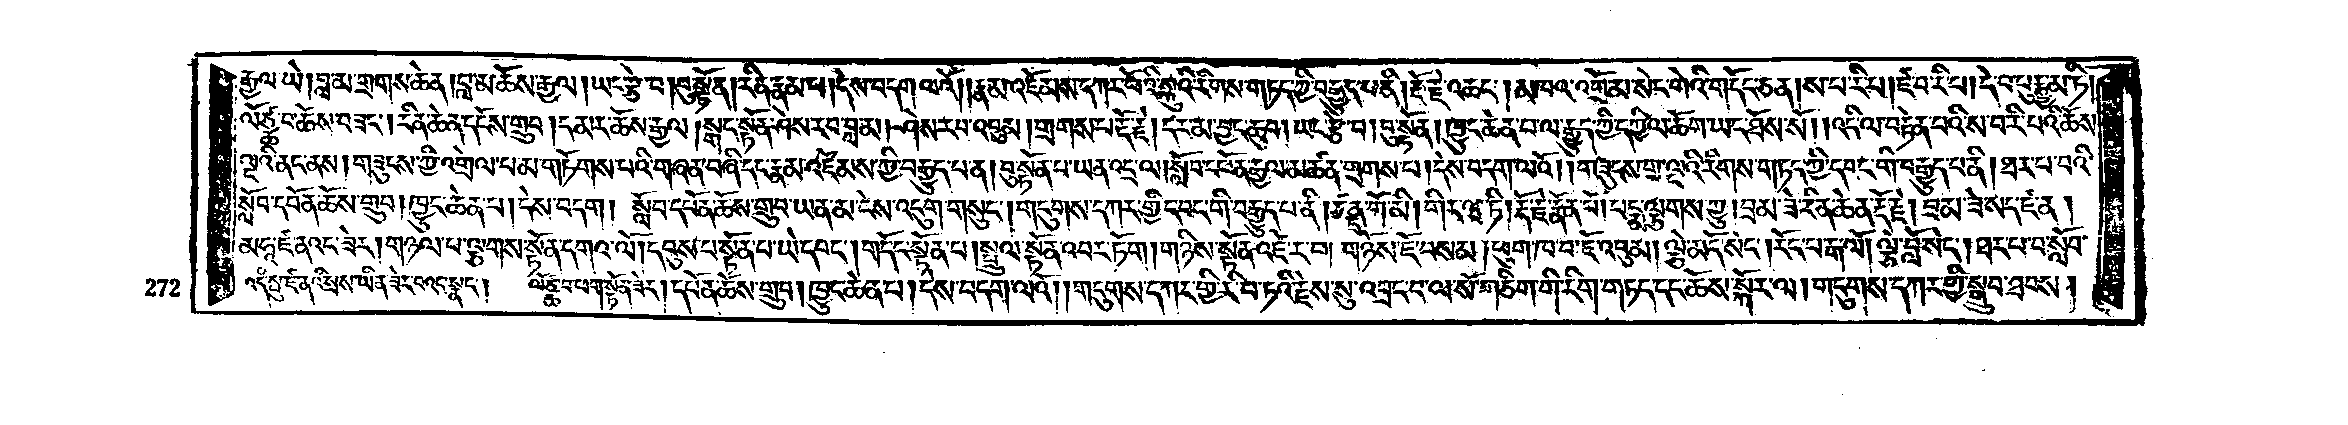རྒྱལ་ཡེ། བླ་མ་གྲགས་ཆེན། བླ་མ་ཆོས་རྒྱལ། ཡང་རྩེ་བ། བུ་སྟོན། རིན་རྣམ་པ། དེས་བདག་ལའོ། །རྣམ་འཇོམས་དཀར་པོའི་སྐུའི་རིགས་གཏད་ཀྱི་བརྒྱུད་པ་ནི། རྡོ་རྗེ་འཆང་། མཁའ་འགྲོ་མ་སེང་གེའི་གདོང་ཅན། ས་པ་རི་པ། ཛ་བ་རི་པ། དེ་བ་པུ་རྞྱ?་མ་ཏི།
ལོཙྪ་བ་ཆོས་བཟང་། རིན་ཆེན་དངོས་གྲུབ། དམར་ཆོས་རྒྱལ་།སྒད་སྟོན་ཤེས་རབ་བླ་མ། ཤེས་རབ་འབུམ། གྲགས་པ་རྡོ་རྗེ། དར་མ་བྱང་ཆུབ། ཡང་རྩེ་བ། བུ་སྟོ། བྱུང་ཆེན་པ་ལ་རྒྱུད་ཀྱི་དཀྱིལ་ཆོག་ཡང་ཐོས་སོ། །འདི་ལ་བརྟེན་པའི་ས་བ་རི་པའི་ཆོས་
ལྔའི་ནང་ནས། གཟུངས་ཀྱི་འགྲེལ་པ་མ་གཏོགས་པའི་གཞན་བཞི་དང་རྣམ་འཛོམས་ཀྱི་བརྒྱུད་པ་ན། བུ་སྟོན་པ་ཡན་འདྲ་ལ། སློབ་དཔོན་རྒྱལ་མཚན་གྲགས་པ། དེས་བདག་ལའོ། །གཟུངས་གྲ་ལྔའི་རིགས་གཏད་ཀྱི་དབང་གི་བརྒྱུད་པ་ནི། ཐར་པ་བའི་
སློབ་དཔོན་ཆོས་གྲུབ། ཁྱུང་ཆེན་པ། དེས་བདག །སློབ་དཔོན་ཆོས་གྲུབ་ཡན་མ་ངེས་འདུག་གསུང་། གདུགས་དཀར་གྱི་དབང་གི་བརྒྱུད་པ་ནི། ཙནྡྲ་གོ་མི། གིར་ཝ་ཏི། རྡོ་རྗེ་རྣོན་པོ། པདམ་ལྕགས་ཀྱུ། བྲམ་ཟེ་རིན་ཆེན་རྡོ་རྗེ། བྲམ་ཟེ་སད་ཛ་ན།
མཧཱ་ཛ་ནའང་ཟེར། གཉལ་པ་ལྕགས་སྟོན་དགའ་ལོ། དབུས་པ་སྟོན་པ་ཡེ་དབང་། གདོང་སྟོན་པ། སྤྲུལ་སྟོན་འབར་ཏོག །གཉིས་སྟོན་འཛེ་ར་བ། གཉོས་ཇོ་བསམ། ཕུག་ཁ་བ་ཇོ་འབུམ། ལྕེ་མདོ་སེང་། རོང་པ་རྒ་ལོ། ལྕེ་བློ་སེང་། ཐར་པ་བ་སློབ་
འདཾ་སྤུ་ཛ་ནའི་སྲས་ཡིན་ཟེར་བའང་སྣང་། ལོཙྪ་པ་ཕག་སྟོན་ཟེར། དཔོན་ཆོས་གྲུབ། ཁྱུང་ཆེན་པ། དེས་བདག་ལའོ། །གདུགས་དཀར་གྱི་རི་བ་ཏའི་རྗེས་སུ་འབྲང་བ་ལ་སོ་གཅིག་གི་རིག་གཏད་དང་ཆོས་སྐོར་ལ། གདུགས་དཀར་གྱི་སྒྲུབ་ཐབས།